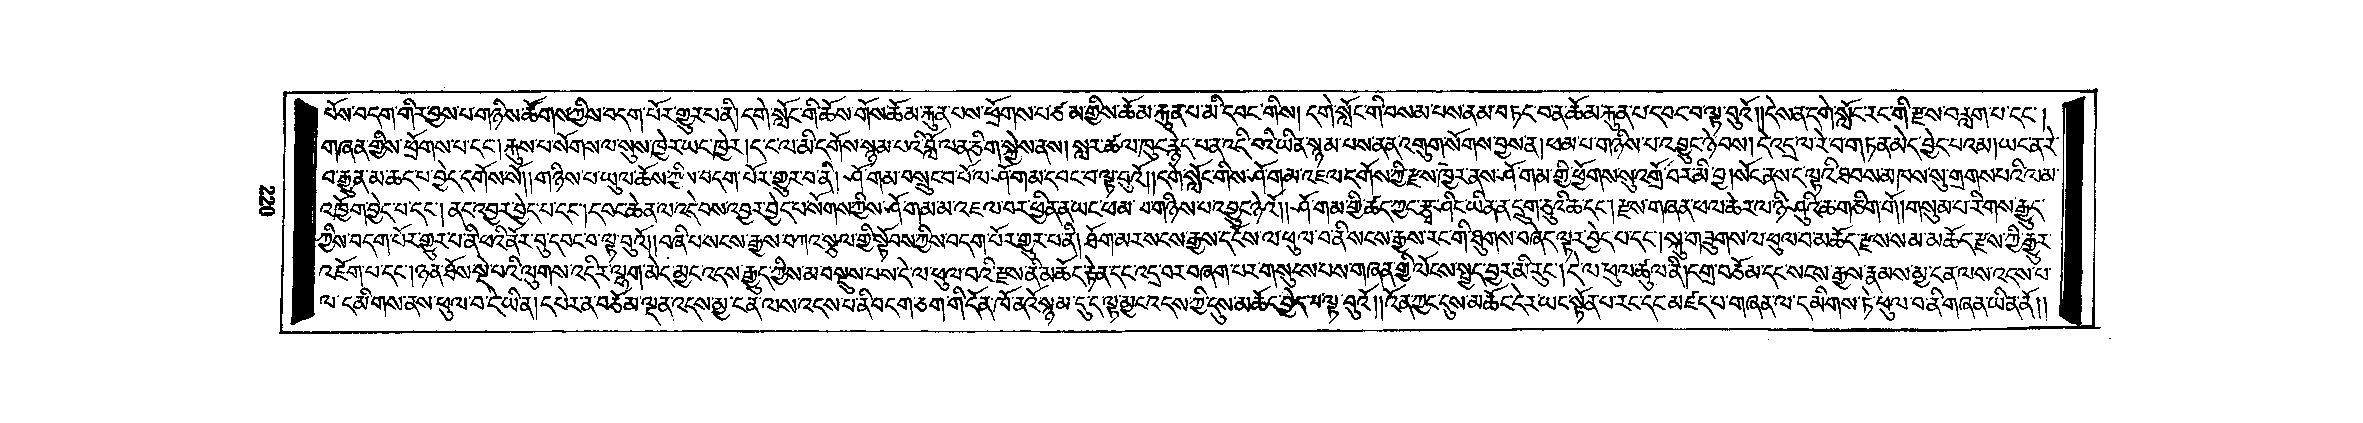པོས་བདག་གི་བྱས་པ་གཉིས་ཚོགས་ཀྱིས་བདག་པོར་གྱུར་པ་ནི། དགེ་སློང་གི་ཆོས་གོས་ཆོམ་རྐུན་པས་ཕྲོགས་པ་ཙམ་གྱིས་ཆོམ་རྐུན་པ་མི་དབང་གིས། དགེ་སློང་གི་བསམ་པས་ནམ་བཏང་བ་ན་ཆོམ་རྐུན་པ་དབང་བ་ལྟ་བུའོ། །དེས་ན་དགེ་སློང་རང་གི་རྫས་བརླག་པ་དང་།
གཞན་གྱིས་ཕྲོགས་པ་དང་། རྐུས་པ་སོགས་ལ་སུས་ཁྱེར་ཡང་ཁྱེར། ད་ང་ལ་མི་དགོས་སྙམ་པའི་བློ་ལན་ཅིག་སྐྱེས་ནས། སླར་ཚར་ཁུང་རྙེད་པ་ན་འདི་བའི་ཡིན་སྙམ་པས་ནན་འགུག་སོགས་བྱས་ན། ཕམ་པ་གཉིས་པ་འབྱུང་ཉེ་བས། དེ་འདྲ་ལ་རེ་བ་གཏན་མེད་བྱེད་པའམ། ཡང་ན་རེ་
བ་རྒྱུན་མ་ཆད་པ་བྱེད་དགོས་སོ། །གཉིས་པ་ཡུལ་ཆོས་ཀྱིས་བདག་པོར་གྱུར་པ་ནི། ཤོ་གམ་བསྲུང་བ་པོ་ལ་ཤོག་མ་དབང་བ་ལྟ་བུའོ། །དགེ་སློང་གིས་ཤོ་གམ་འཇལ་དགོས་ཀྱི་རྫས་ཁྱེར་ནས་ཤོ་གམ་གྱི་ཕྱོགས་སུ་འགྲོ་བར་མི་བྱ། སོང་ནས་ད་ལྟའི་ཐབས་མཁས་སུ་གྲགས་པའི་ལམ་
འཁྱོག་བྱེད་པ་དང་། ནང་འབྱར་བྱེད་པ་དང་། དབང་ཆེན་ལ་འདེབས་འབྱར་བྱེད་པ་སོགས་ཀྱིས་ཤོ་གམ་མ་འཇལ་བར་ཕྱིན་ན་ཡང་ཕམ་པ་གཉིས་པ་འབྱུང་ཉེའོ། །ཤོ་གམ་གྱི་ཚད་ཀྱང་རྩྭ་ཤིང་ཡིན་ན་དྲུག་ཅུའི་ཆ་དང་། རྫས་གཞན་ཕལ་ཆེར་ལ་ཉི་ཤུའི་ཆ་གཅིག་གོ །གསུམ་པ་རིགས་རྒྱུད་
ཀྱིས་བདག་པོར་གྱུར་པ་ནི་ཕའི་ནོར་བུ་དབང་བ་ལྟ་བུའོ། །བཞི་པ་སངས་རྒྱས་བཀའ་སྩལ་གྱི་སྟོབས་ཀྱིས་བདག་པོར་གྱུར་པ་ནི། ཐོག་མར་སངས་རྒྱས་དངོས་ལ་ཕུལ་བ་ནི་སངས་རྒྱས་རང་གི་ཐུགས་བཞེད་ལྟར་བྱེད་པ་དང་། སྐུ་གཟུགས་ལ་ཕུལ་བ་མཆོད་རྫས་སམ་མཆོད་རྫས་ཀྱི་རྒྱུར་
འཇོག་པ་དང་། ཉན་ཐོས་སྡེ་པའི་ལུགས་འདིར་ལྷག་མེད་མྱང་འདས་ཀྱིས་མ་བསྡུས་པས་དེ་ལ་ཕུལ་བའི་རྫས་ནི་མཆོད་རྟེན་དང་འདྲ་བར་བཞག་པར་གསུངས་པས་གཞན་གྱི་ལོངས་སྤྱད་བྱར་མི་རུང་། དེ་ལ་ཕུལ་ཚུལ་ནི། དགྲ་བཅོམ་དང་སངས་རྒྱས་རྣམས་མྱ་ངན་ལས་འདས་པ་
ལ་དམིགས་ནས་ཕུལ་བ་དེ་ཡིན། དཔེར་ན་བཅོམ་ལྡན་འདས་མྱ་ངན་ལས་འདས་པ་ནི་བདག་ཅག་གི་དོན་ཁོ་ནའོ་སྙམ་དུ་ད་ལྟ་མྱ་འདས་ཀྱི་དུས་མཆོད་བྱེད་པ་ལྟ་བུའོ། །འོན་ཀྱང་དུས་མཆོང་དེར་ཡང་སྟོན་པ་རང་དང་མཛད་པ་གཞན་ལ་དམིགས་ཏེ་ཕུལ་བ་ནི་གཞན་ཡིན་ནོ།